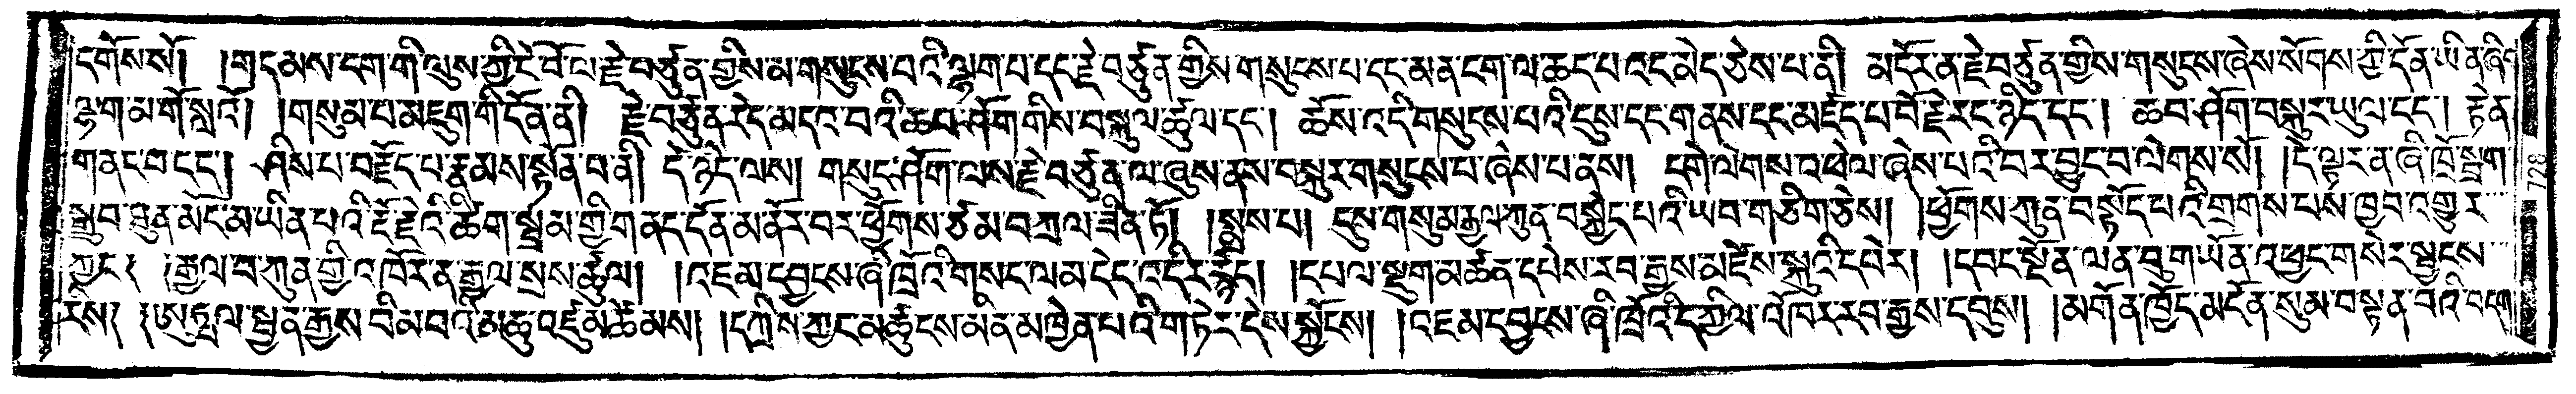དགོས་སོ། །གདམས་ངག་གི་ལུས་ཀྱི་ངོ་བོ་ལ་རྗེ་བཙུན་གྱིས་མ་གསུངས་པའི་ལྷག་པ་དང་རྗེ་བཙུན་གྱིས་གསུངས་པ་དང་མན་ངག་ལ་ཆད་པའང་མེད་ཅེས་པ་ནི། མདོར་ན་རྗེ་བཙུན་གྱིས་གསུངས་ཞེས་སོགས་ཀྱི་དོན་ཡིན་ཞིང་
ལྷག་མ་གོ་སླའོ། །གསུམ་པ་མཇུག་གི་དོན་ནི། རྗེ་བཙུན་རེད་མདའ་བའི་ཆབ་ཤོག་གིས་བསྐུལ་ཚུལ་དང་། ཆོས་འདི་གསུངས་པའི་དུས་དང་གནས་དང་མཛད་པ་པོ་རྗེ་རང་ཉིད་དང་། ཆབ་ཤོག་བསྐུར་ཡུལ་དང་། རྟེན་
གནང་བ་དང་། ཤིས་པ་བརྗོད་པ་རྣམས་སྟོན་པ་ནི། དེ་ཉིད་ལས། གསུང་ཤོག་ལས་རྗེ་བཙུན་ལ་ཞུས་ནས་བསྐུར་གསུངས་པ་ཞེས་པ་ནས། དགེ་ལེགས་འཕེལ་ཞེས་པའི་བར་བྱུང་བ་ལེགས་སོ། །དེ་ལྟར་ན་ཞི་ཁྲོ་སྦྲག་
སྒྲུབ་ཐུན་མོང་མ་ཡིན་པའི་རྡོ་རྗེའི་ཚིག་སྦྲམ་གྱི་གནད་དོན་མ་ནོར་བར་ཕྱོགས་ཙམ་བཀྲལ་ཟིན་ཏོ། །སྨྲས་པ། དུས་གསུམ་རྒྱལ་ཀུན་བསྐྱེད་པའི་ཡབ་གཅིག་ཅེས། །ཕྱོགས་ཀུན་བསྟོད་པའི་གྲགས་པས་ཁྱབ་འགྱུར་
ཀྱང༑ ༑རྒྱལ་བ་ཀུན་གྱི་འཁོར་ན་རྒྱལ་སྲས་ཚུལ། །འཇམ་དབྱངས་ཞི་ཁྲོའི་གསང་ལམ་དེད་འདིར་རྙེད། །དཔལ་སྡུག་མཚན་དཔེས་རབ་རྒྱས་མཛེས་སྐུའི་དཔེར། །དབང་སྔོན་ལན་བུ་གཡོན་འཕྱང་གསེར་སྦྱངས་
རིས༑ ༑ཨུཏྤལ་སྤྱན་རྒྱས་བིམ་བའི་མཆུ་འཛུམ་ཚེམས། །དཀྲིས་ཀྱང་མཚུངས་མིན་མཁྱེན་པའི་གཏེར་དེས་སྐྱོངས། །འཇམ་དབྱངས་ཞི་ཁྲོའི་དཀྱིལ་འཁོར་རབ་རྒྱས་དབུས། །མགོན་ཁྱོད་མངོན་སུམ་བསྟན་པའི་བདག་